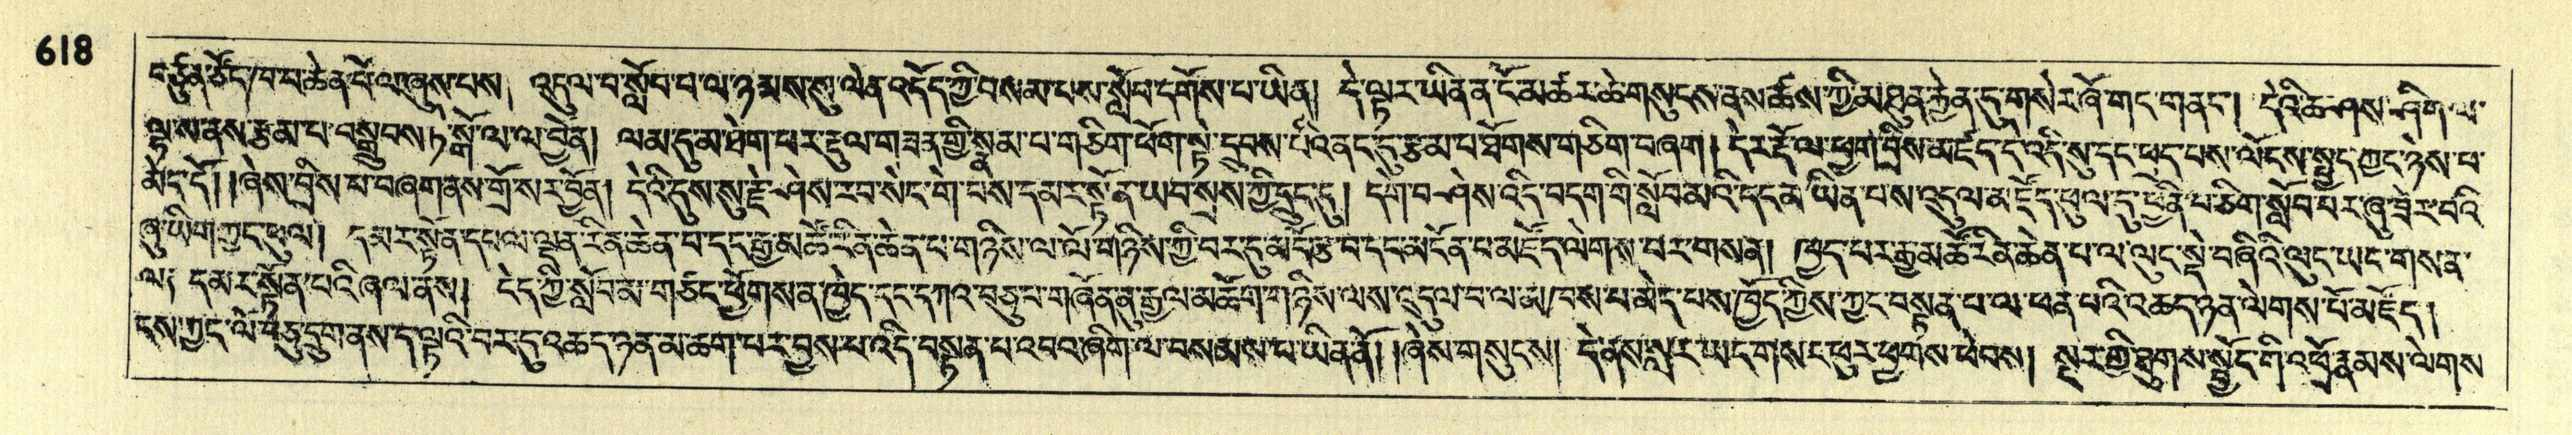བཙུན་ཙོང་ཁ་པ་ཆེན་པོ་ལ་ཞུས་པས། འདུལ་བ་སློབ་པ་ལ་ཉམས་སུ་ལེན་འདོད་ཀྱི་བསམ་པས་སློབ་དགོས་པ་ཡིན། དེ་ལྟར་ཡིན་ན་ངོ་མཚར་ཆེ་གསུངས་ནས་ཚས་ཀྱི་མཐུན་རྐྱེན་དུ་གསེར་ཞོ་གང་གནང་། དེའི་ཆ་ཤས་ཤིག་ལ་
ལྷ་ས་ནས་རྩམ་པ་བསྒྲུབས་ཏེ་སྒོ་ལ་ལ་བྱོན། ལམ་དུ་མ་ཐེག་པར་རྡུལ་གཟན་གྱི་སྣམ་པ་གཅིག་ཕོག་སྟེ་དྲུབས་པའི་ནང་དུ་རྩམ་པ་ཐོགས་གཅིག་བཞག། དེར་རྡོ་ལ་ཕྱག་བྲིས་མཛད་དེ་འདི་སུ་དང་ཕྲད་པས་ལོངས་སྤྱད་ཀྱང་ཉེས་པ་
མེད་དོ། །ཞེས་བྲིས་པ་བཞག་ནས་གྲོ་སར་བྱོན། དེའི་དུས་སུ་རྗེ་ཤེས་རབ་སེང་གེ་པས་དམར་སྟོན་ཡབ་སྲས་ཀྱི་དྲུང་དུ། དགེ་བཤེས་འདི་བདག་གི་སློབ་མའི་དང་མ་ཡིན་པས་འདུལ་མཛོད་ཕུལ་དུ་ཕྱིན་པ་ཅིག་སློབ་པར་ཞུ་ཟེར་བའི་
ཞུ་ཡིག་ཀྱང་ཕུལ། དམར་སྟོན་དཔལ་ལྡན་རིན་ཆེན་པ་དང་རྒྱ་མཚོ་རིན་ཆེན་པ་གཉིས་ལ་ལོ་གཉིས་ཀྱི་བར་དུ་མདོ་རྩ་བ་དང་མངོན་པ་མཛོད་ལེགས་བར་གསན། ཁྱད་པར་རྒྱ་མཚོ་རིན་ཆེན་པ་ལ་ལུང་སྡེ་བཞིའི་ལུང་ཡང་གསན་
ལ༑ དམར་སྟོན་པའི་ཞལ་ནས། ངེད་ཀྱི་སློབ་མ་གཙང་ཕྱོགས་ན་ཁྱེད་དང་དཀའ་བཅུ་པ་གཞོན་ནུ་རྒྱལ་མཆོག་གཉིས་ལས་འདུལ་བ་ལ་མཁས་པ་མེད་པས་ཁྱོད་ཀྱིས་ཀྱང་བསྟན་པ་ལ་ཕན་པའི་འཆད་ཉེན་ལེགས་པོ་མཛོད།
ངས་ཀྱང་ལོ་བཅུ་དྲུག་ནས་ད་ལྟའི་བར་དུ་འཆད་ཉན་མ་ཆག་པར་བྱས་པ་འདི་བསྟན་པ་འབའ་ཞིག་ལ་བསམས་པ་ཡིན་ནོ། །ཞེས་གསུངས། དེ་ནས་སླར་ཡང་གསང་ཕུར་ཕྱགས་ཕེབས། སྔར་གྱི་ཐུགས་སྦྱོང་གི་འཕྲོ་རྣམས་ལེགས་